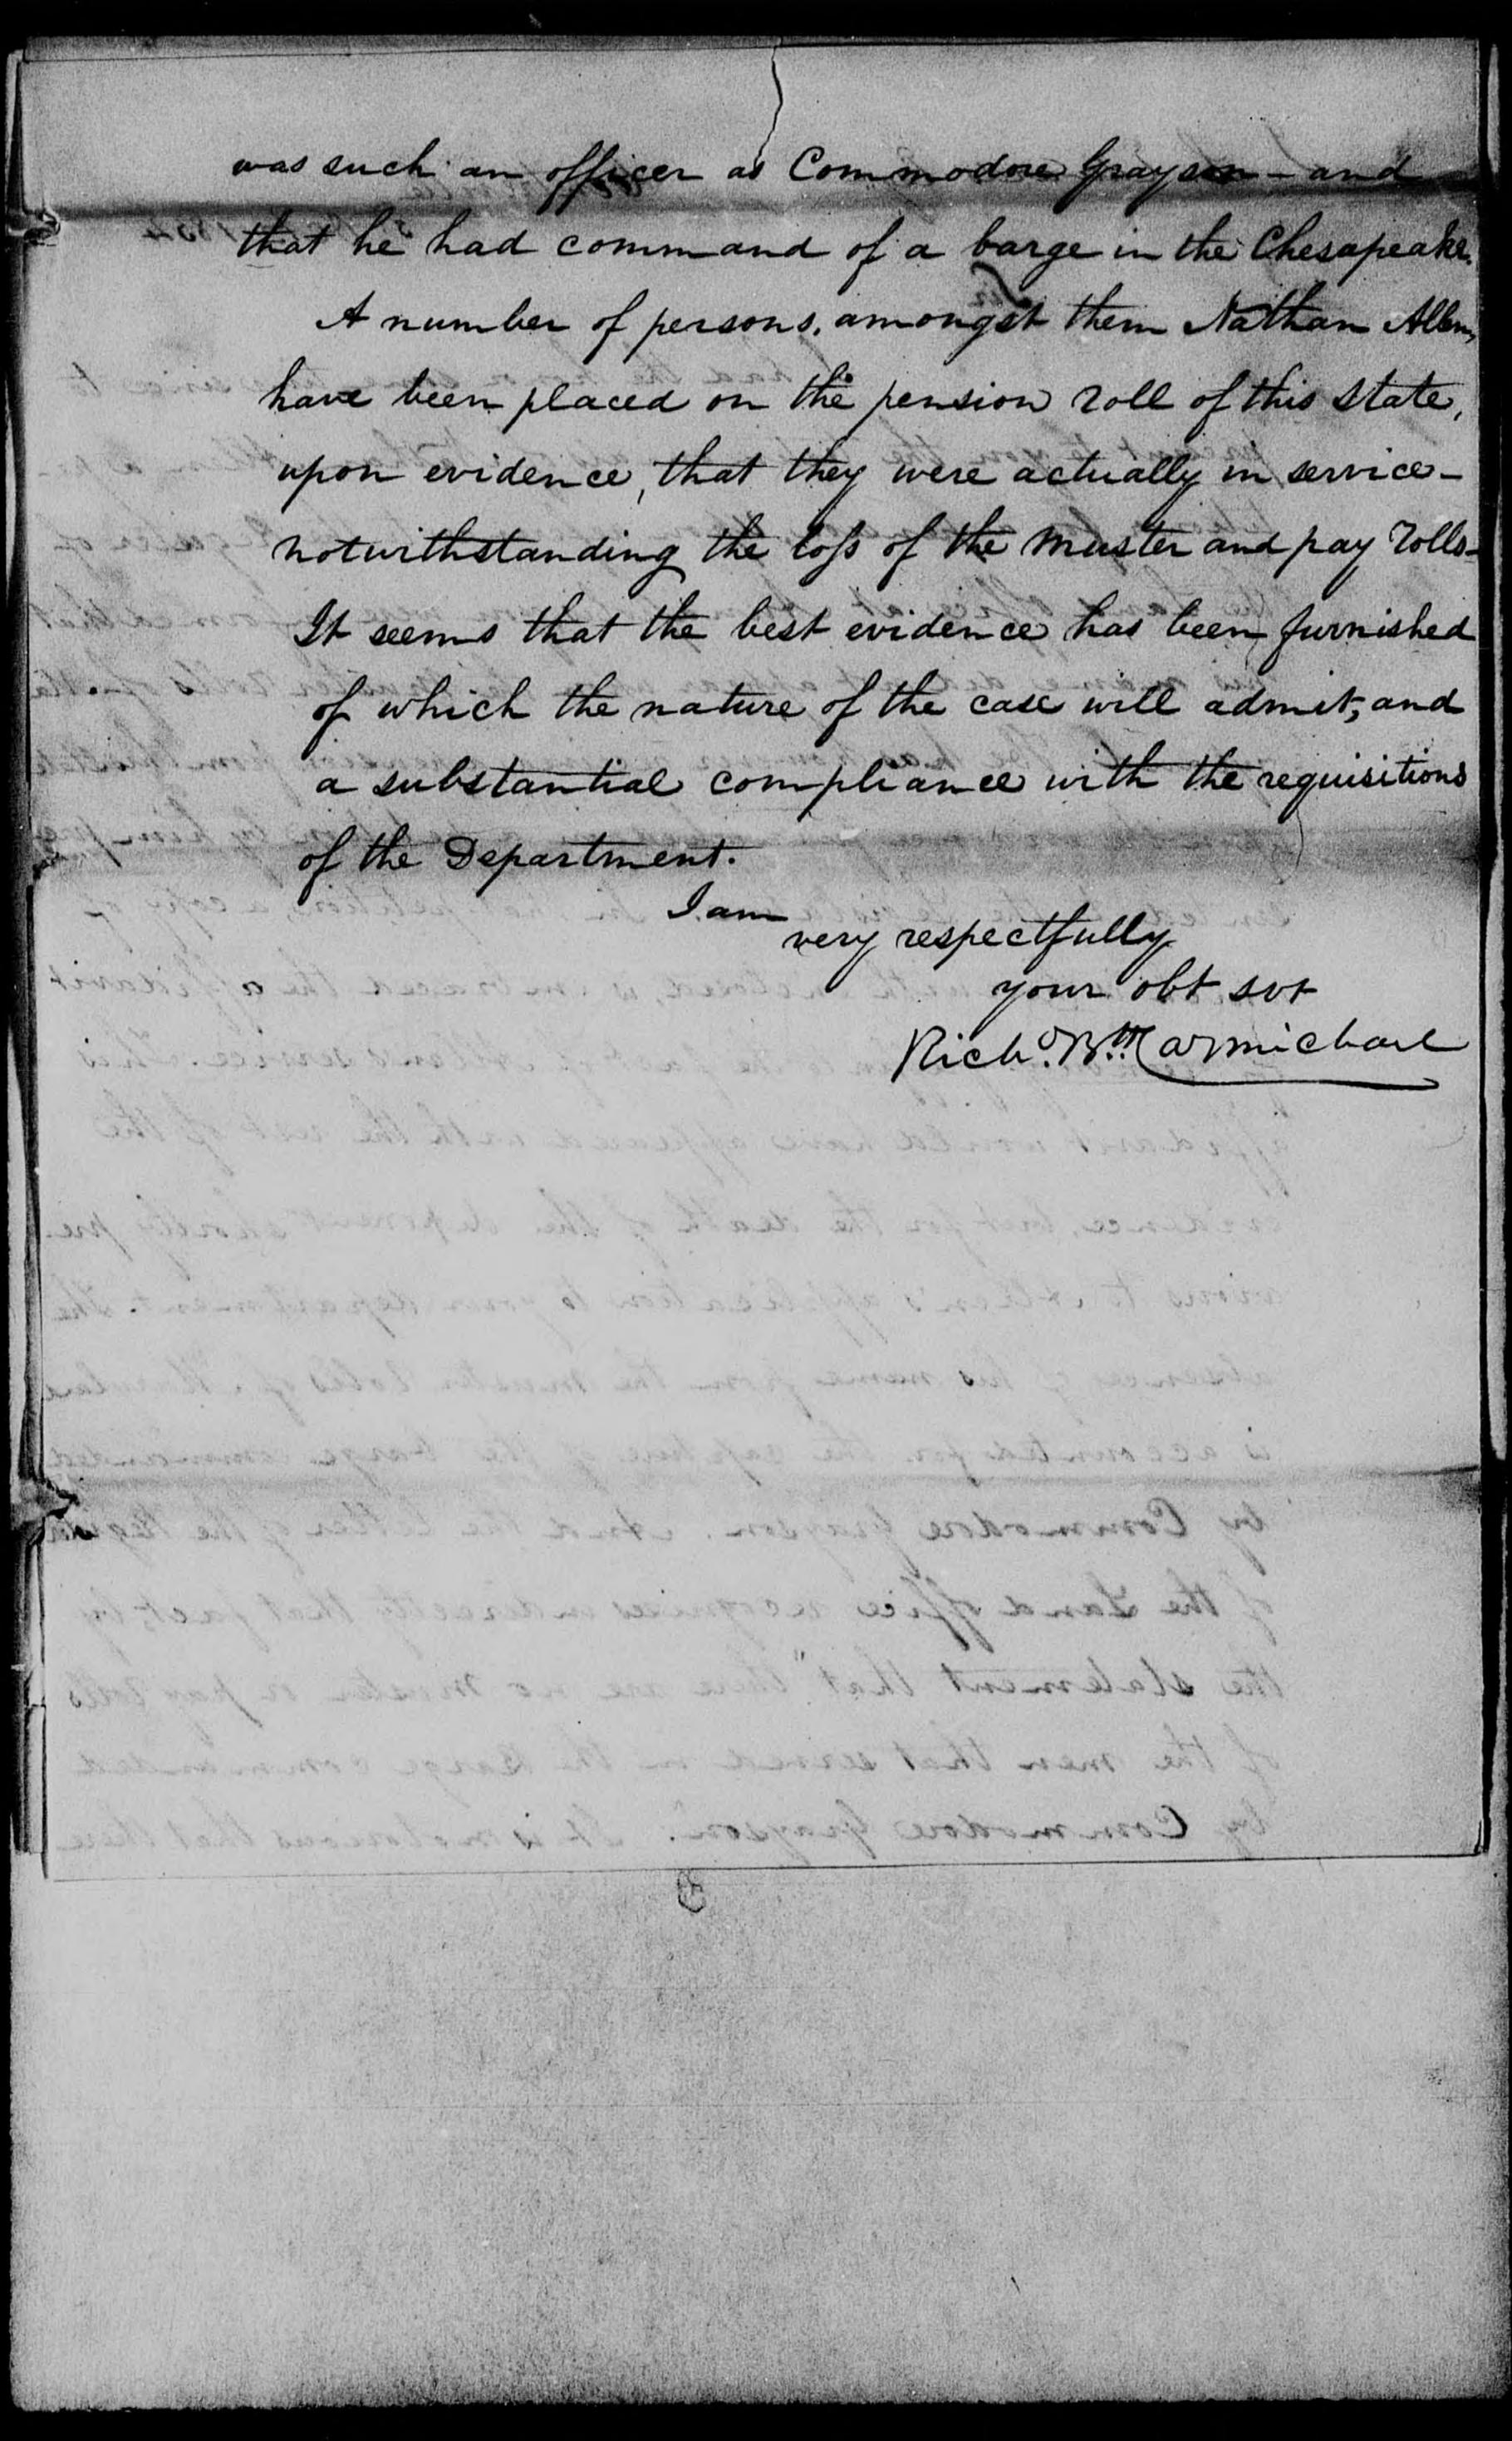and such an officer as Commodore Grayson and that he had command of a barge in the Chesapeake.

A number of persons amongst them Nathan Allen have been placed on the pension roll of this state upon evidence that they were actually in service notwithstanding the loss of the muster and pay rolls. It seems that the best evidence has been furnished of which the nature of the case will admit and a substantial compliance with the requisitions of the department.

I am
very respectfully
your obt svr

Rich'd B Carmichael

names: Nathan Allen, Rich B Carmichael, Commodore Grayson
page: 11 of 14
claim: survivor's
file: S. 8,011, Nathan Allen, Md. And Sea Service